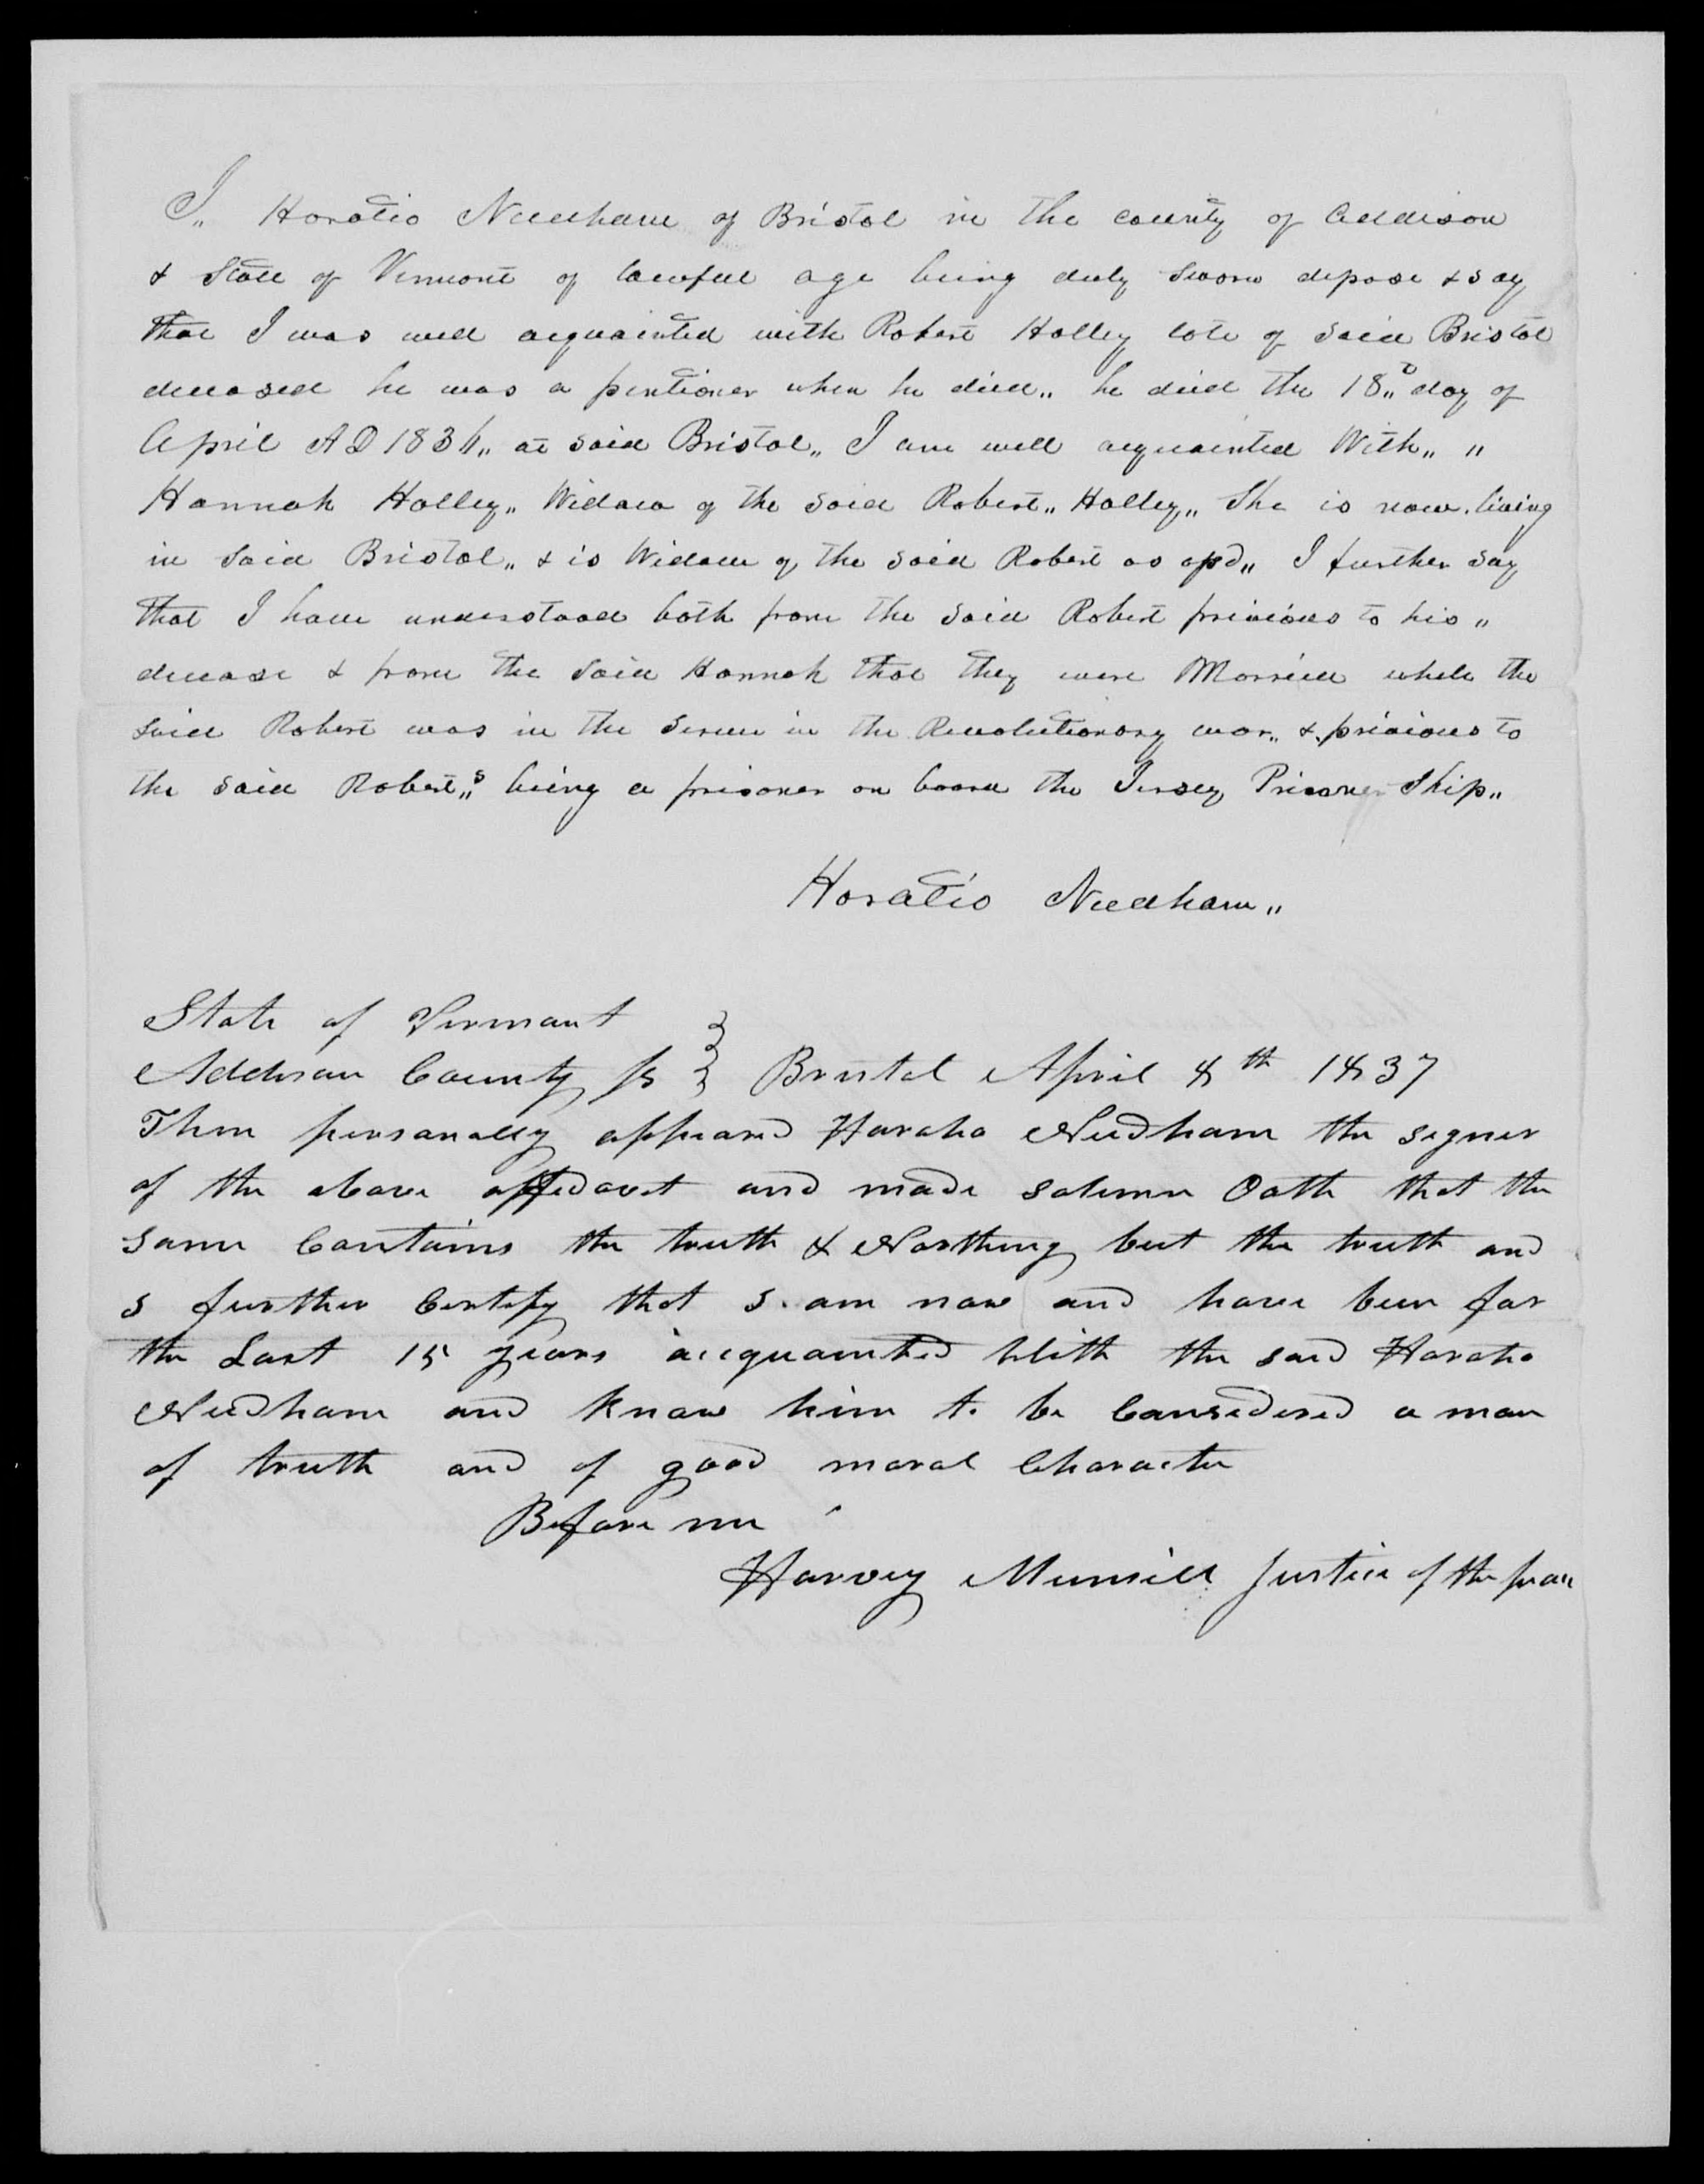I Horatio Needham of Bristol in the County of Addison & State of Vermont of lawful age being duly sworn depose & say that I was well acquainted with Robert Holley late of said Bristol deceased he was a pentioner when he died, he died the 18th day of April A D 1836, at said Bristol, I am well acquainted with " Hannah Holley, Widow of the said Robert Holley, she is now living in said Bristol, & is Widow of the said Robert as opd, I further say that I have understood both from the said Robert previous to his decease & from the said Hannah that they were married while the said Robert was in the service in the Revolutionary war & previous to the said Robert being a prisoner on board the Jersey Prison ship 
Horatio Needham 
State of Vermont Addison County ss} Bristol April 8th 1837 Then personally appeared Horatio Needham the signer of the above affidavit and made solemn oath that the same contains the truth & Nothing but the truth and I further certify that I am now and have been for the last 15 years acquainted with the said Horatio Needham and know him to be considered a man of truth and of good moral character Before me Harvey Munsill Justice of the peace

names: Robert, Horatio Needham, Horatio Needham, Horatio Needham, Robert, Robert, Robert Holley, Robert, Hannah Halley, Robert Holley, Hannah, Harvey Munsill, Horatio Needham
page: 34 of 62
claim: widow's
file: W. 21391, Robert Holley, Conn.